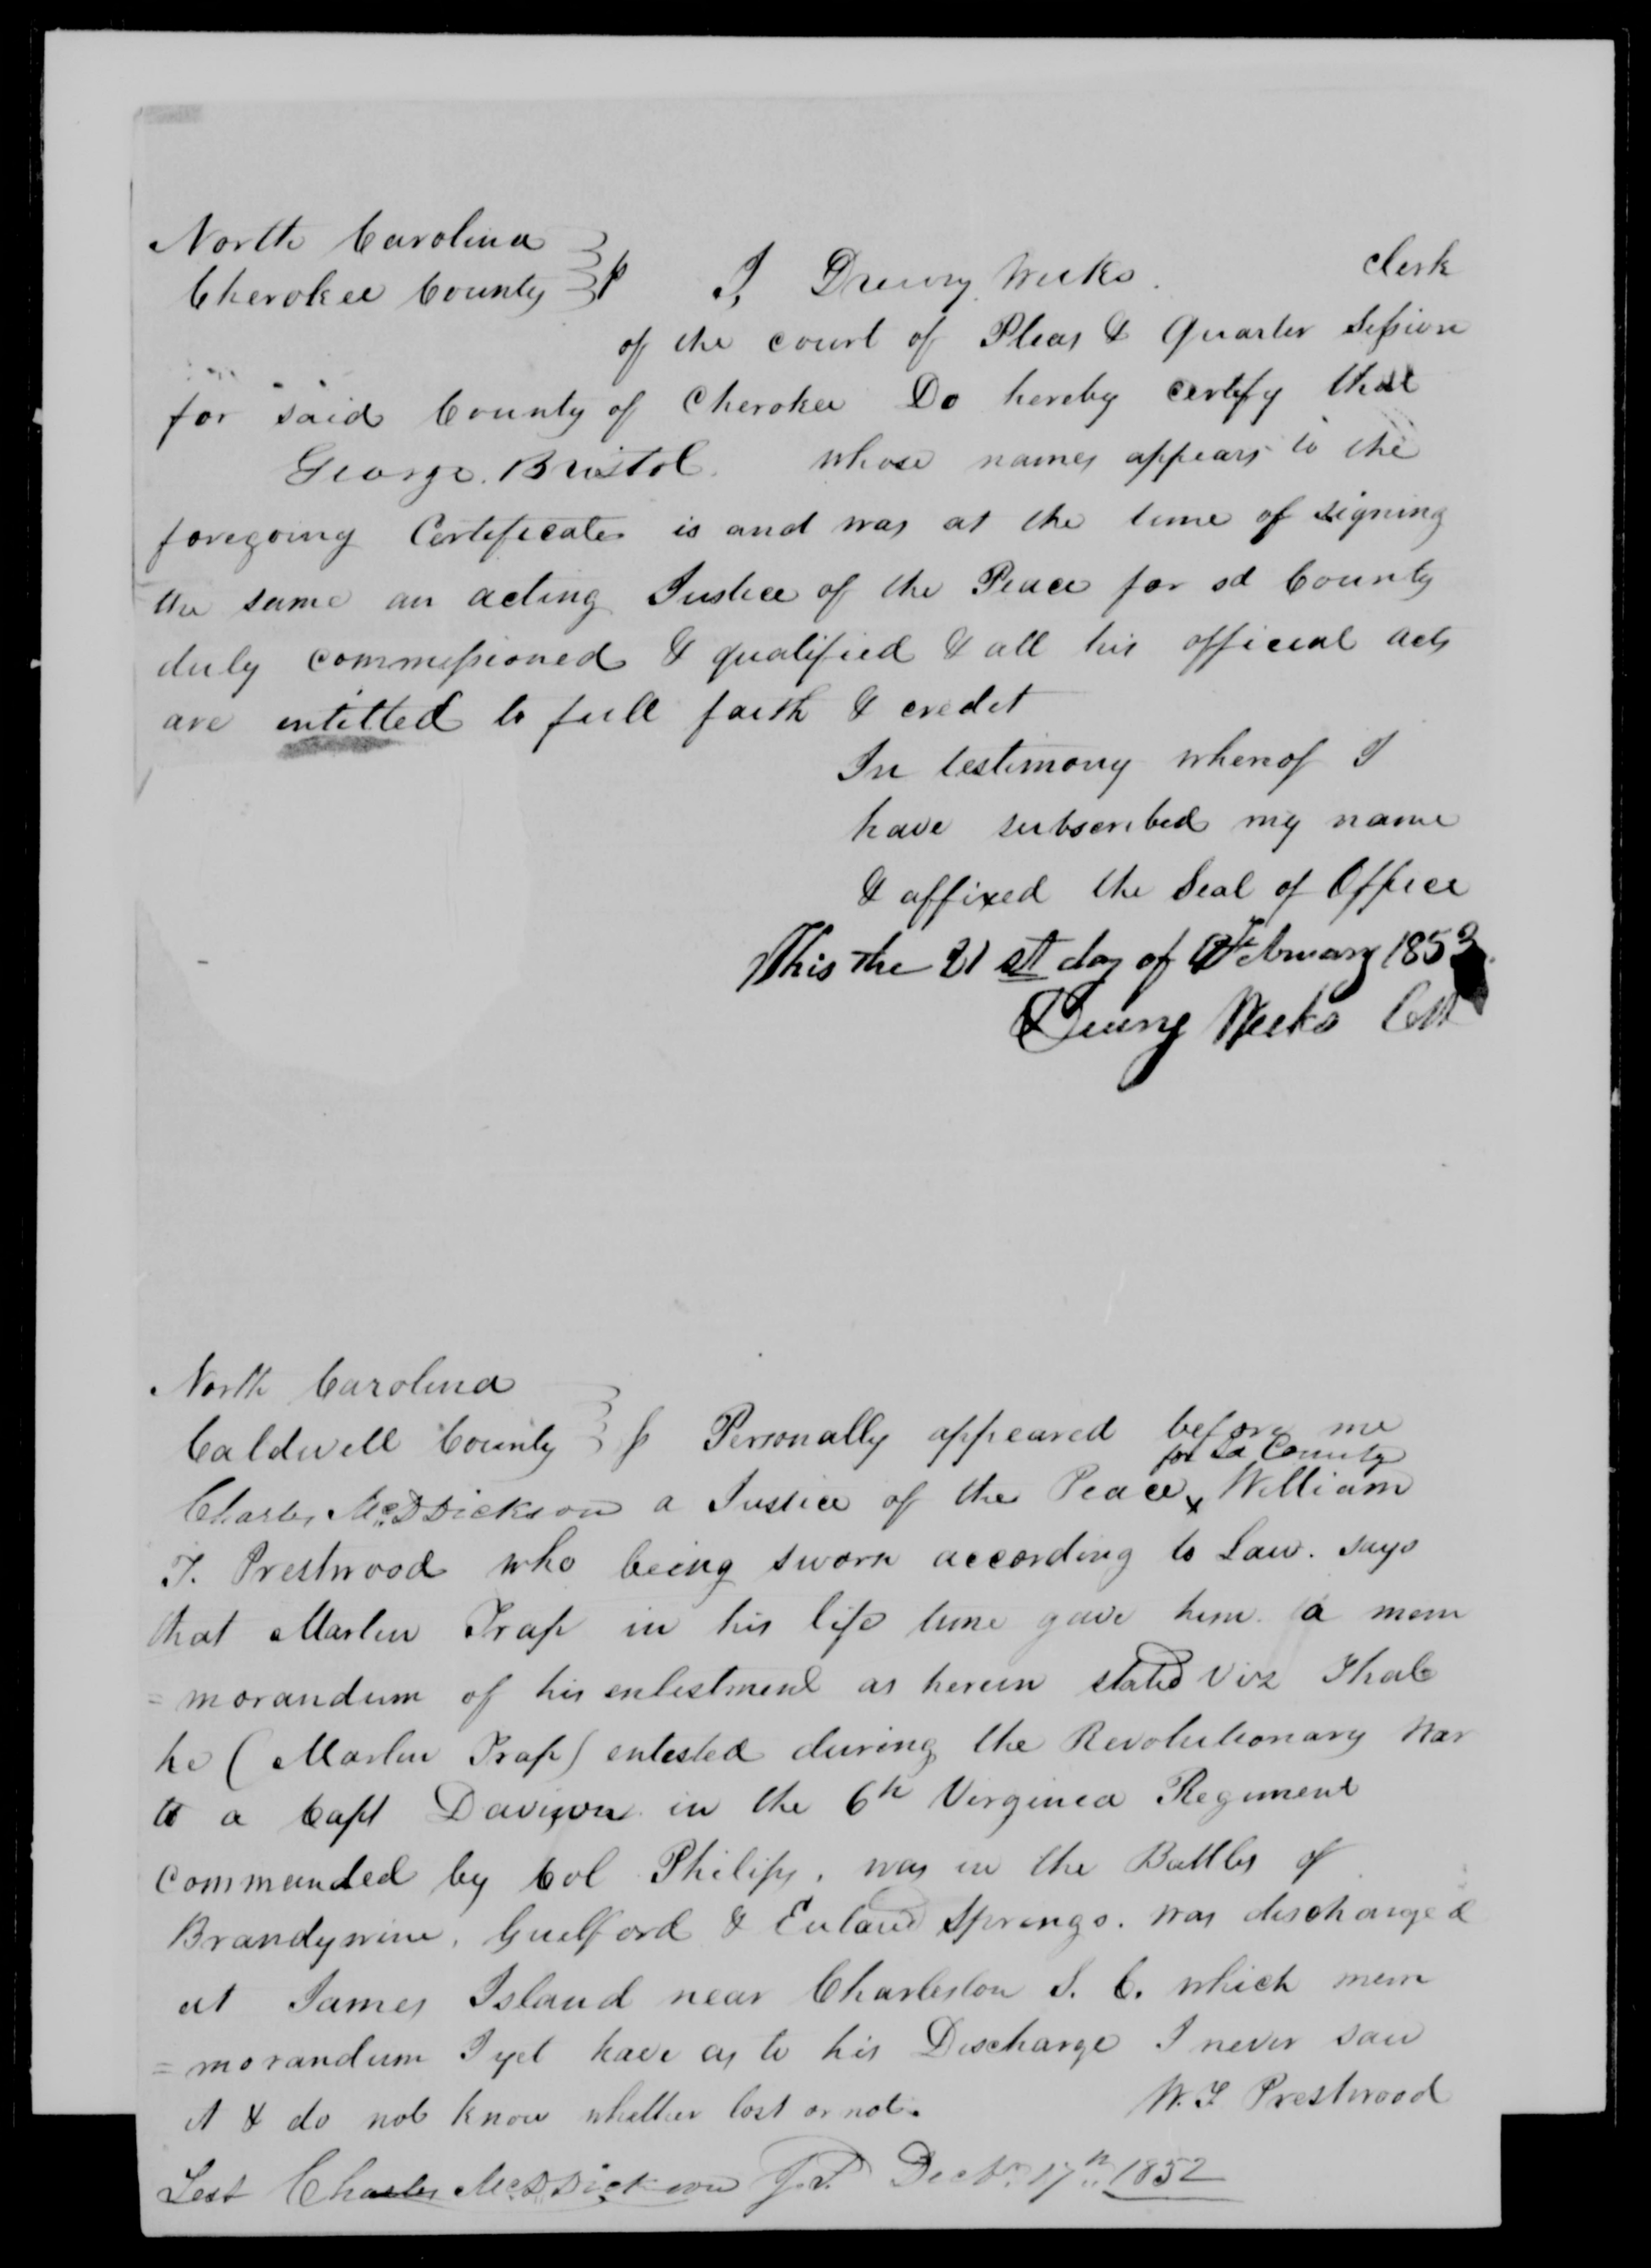[handwritten]

North Carolina}
Cherokee County} SS I, Drury Weeks clerk 
of the court of Pleas & Quarter Session 
for said County of Cherokee Do hereby certify that 
George Bristol whose name appears in the 
foregoing Certificate is and was at the time of signing 
the same an acting Justice of the Peace for sd County 
duly commissioned & qualified & all his official acts 
are entitled to full faith & credit
In testimony whereof I
have subscribed my name
& affixed the Seal of Office
This the 21st day of February 1853
Drury Weeks Clk

North Carolina
Caldwell County} ss Personally appeared before me 
Charles McD Dickson a Justice of the Peace for sd County William T. Prestwood who being sworn according to Law, says that Martin Trap in his life time gave him a memorandum 
of his enlistment as herein stated Viz That 
he (Martin Trap) enlisted during the Revolutionary War 
to a Capt Davison in the 6th Virginia Regiment 
Commanded by Col Philips, was in the Battles 
of Brandywine, Guilford & Eutaw Springs. was discharged 
at James Island near Charleston S. C. which memorandum 
I yet have as to his Discharge I never saw 
it & do not know whether lost or not. W. T. Priestwood
Test Charles McD Dickson J.P. Decr. 17th 1852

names: Drury Weeks, Charles Mc D Dickson, Charles Mc D Dickson, William T Prestwood, Martin Trap, Drewry Weeks, Martin Trap, Philips, W T Prestwood, Davison, George Bristol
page: 7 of 8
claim: rejected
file: R. 10677, Martin Trap, Va.